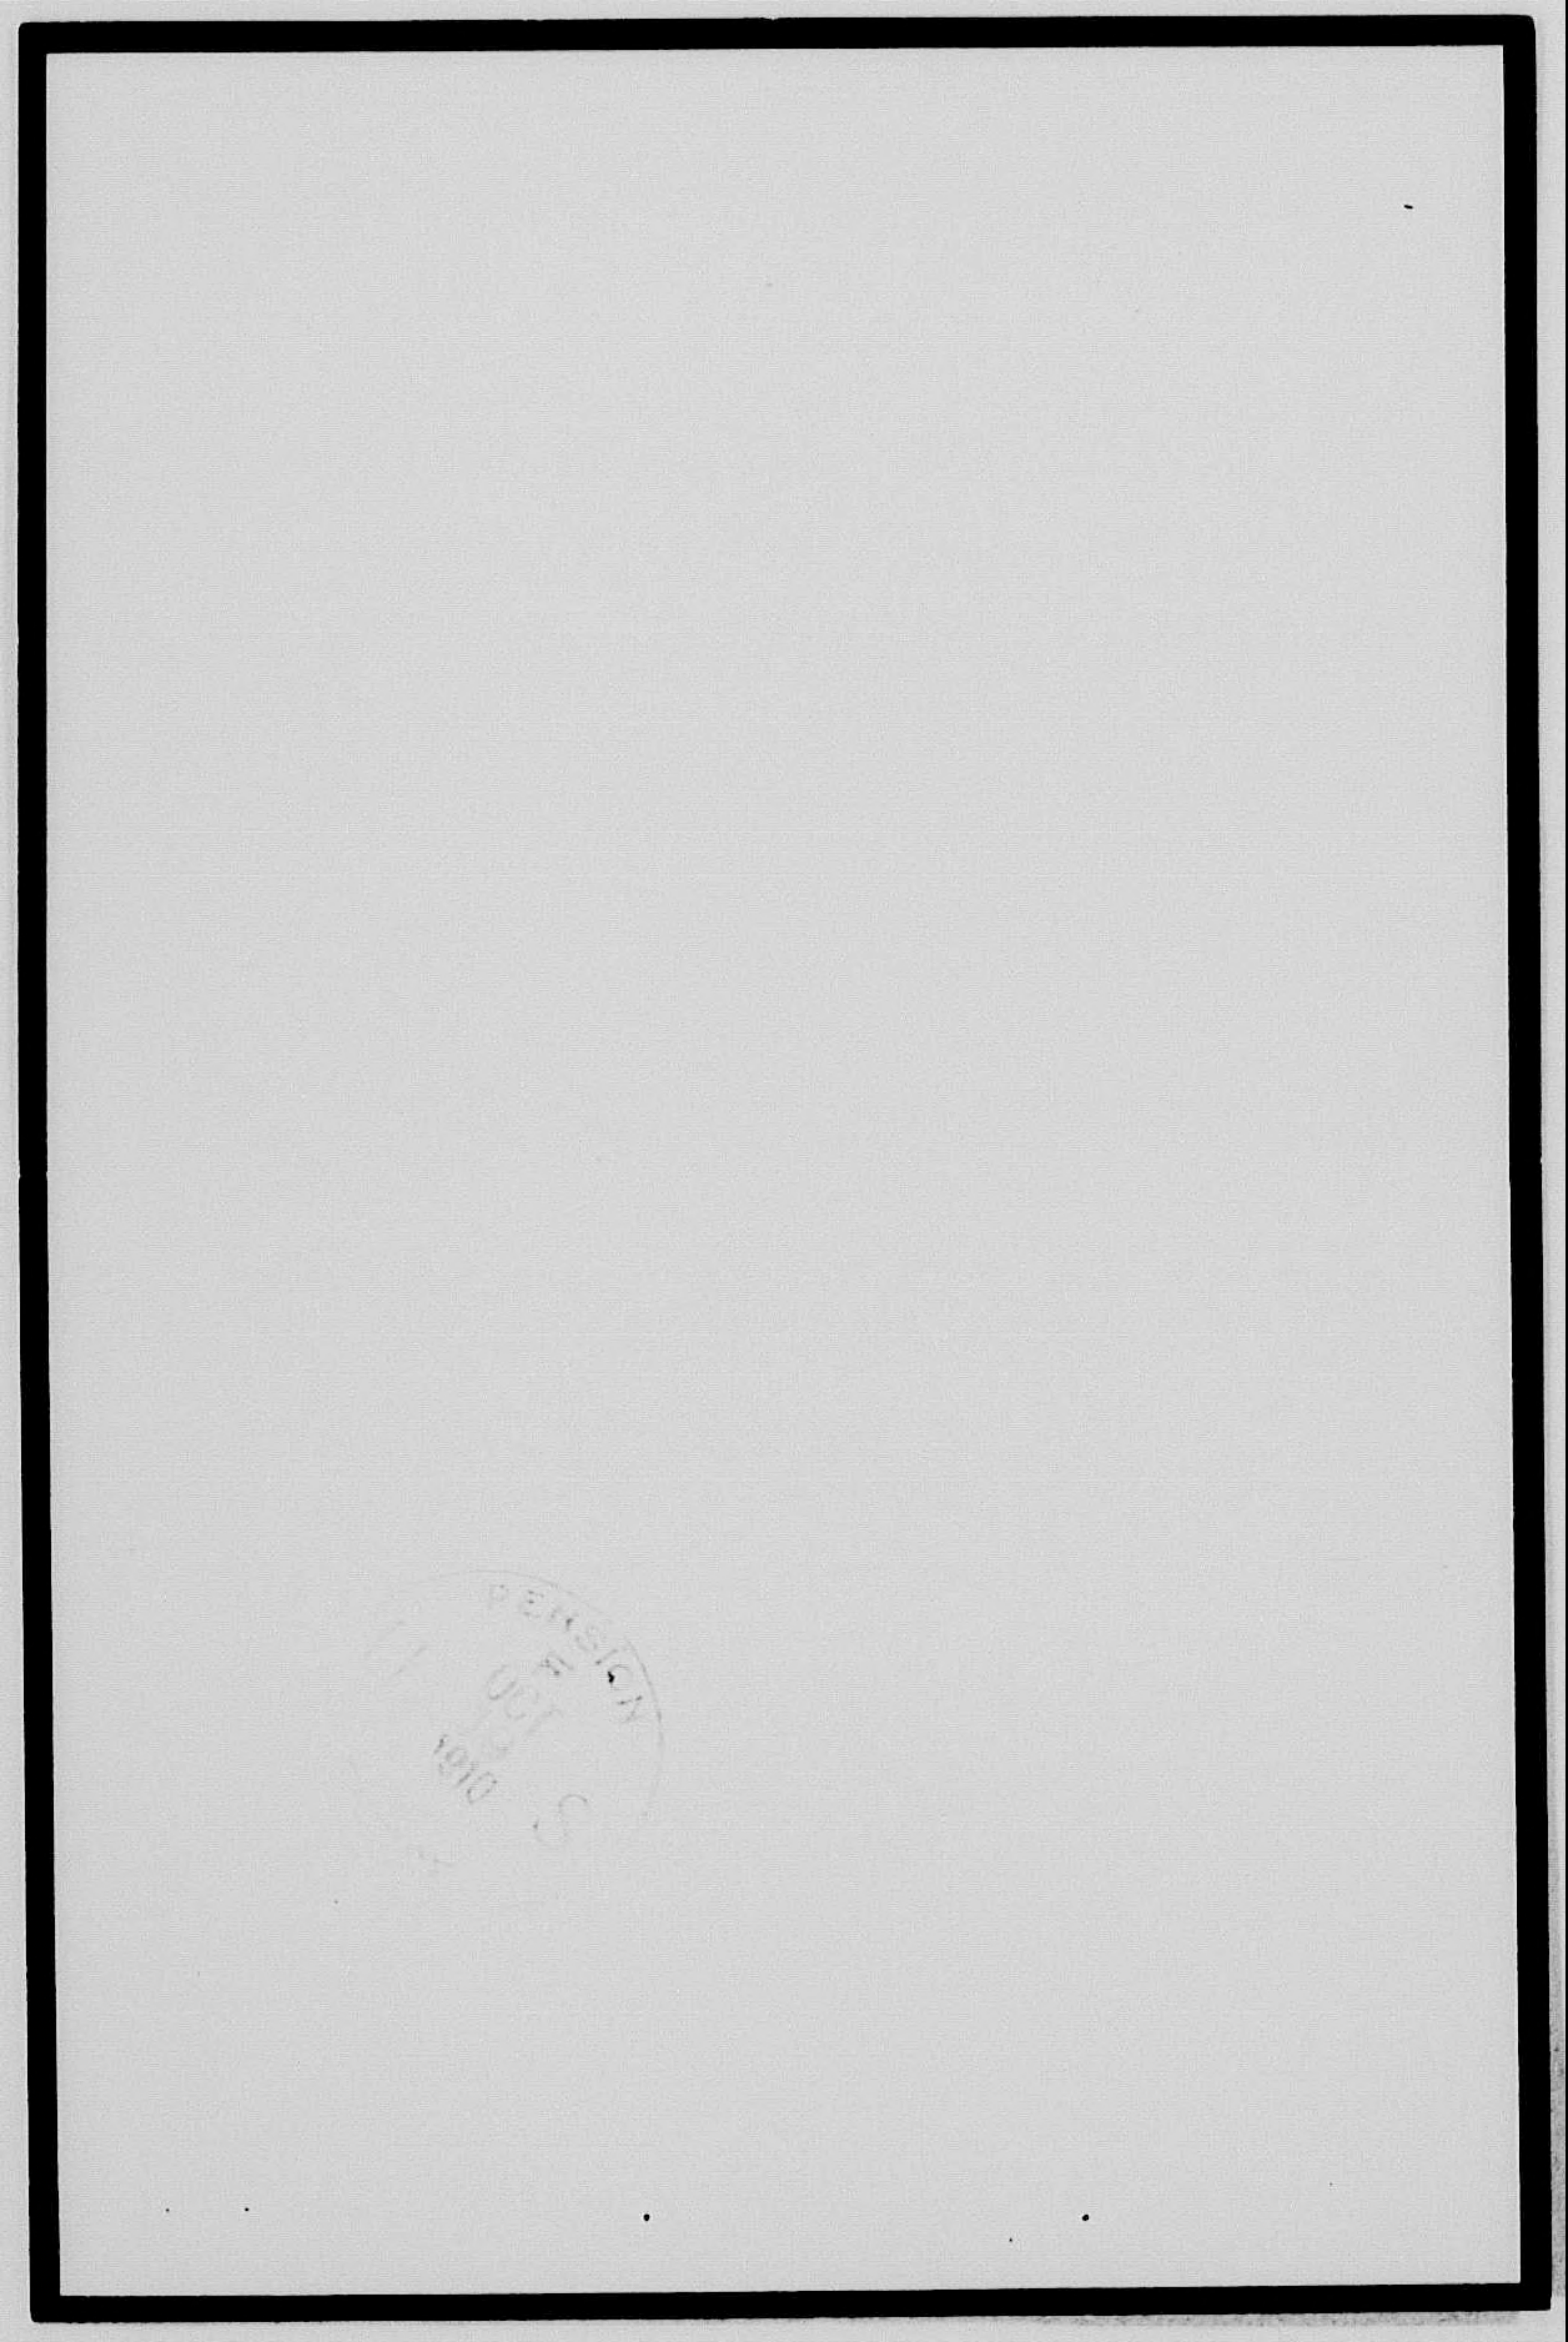[U.S. Pension Office stamp OCT 19 1910]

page: 30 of 45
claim: survivor's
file: S. 15748, Elihu Benham, Conn.